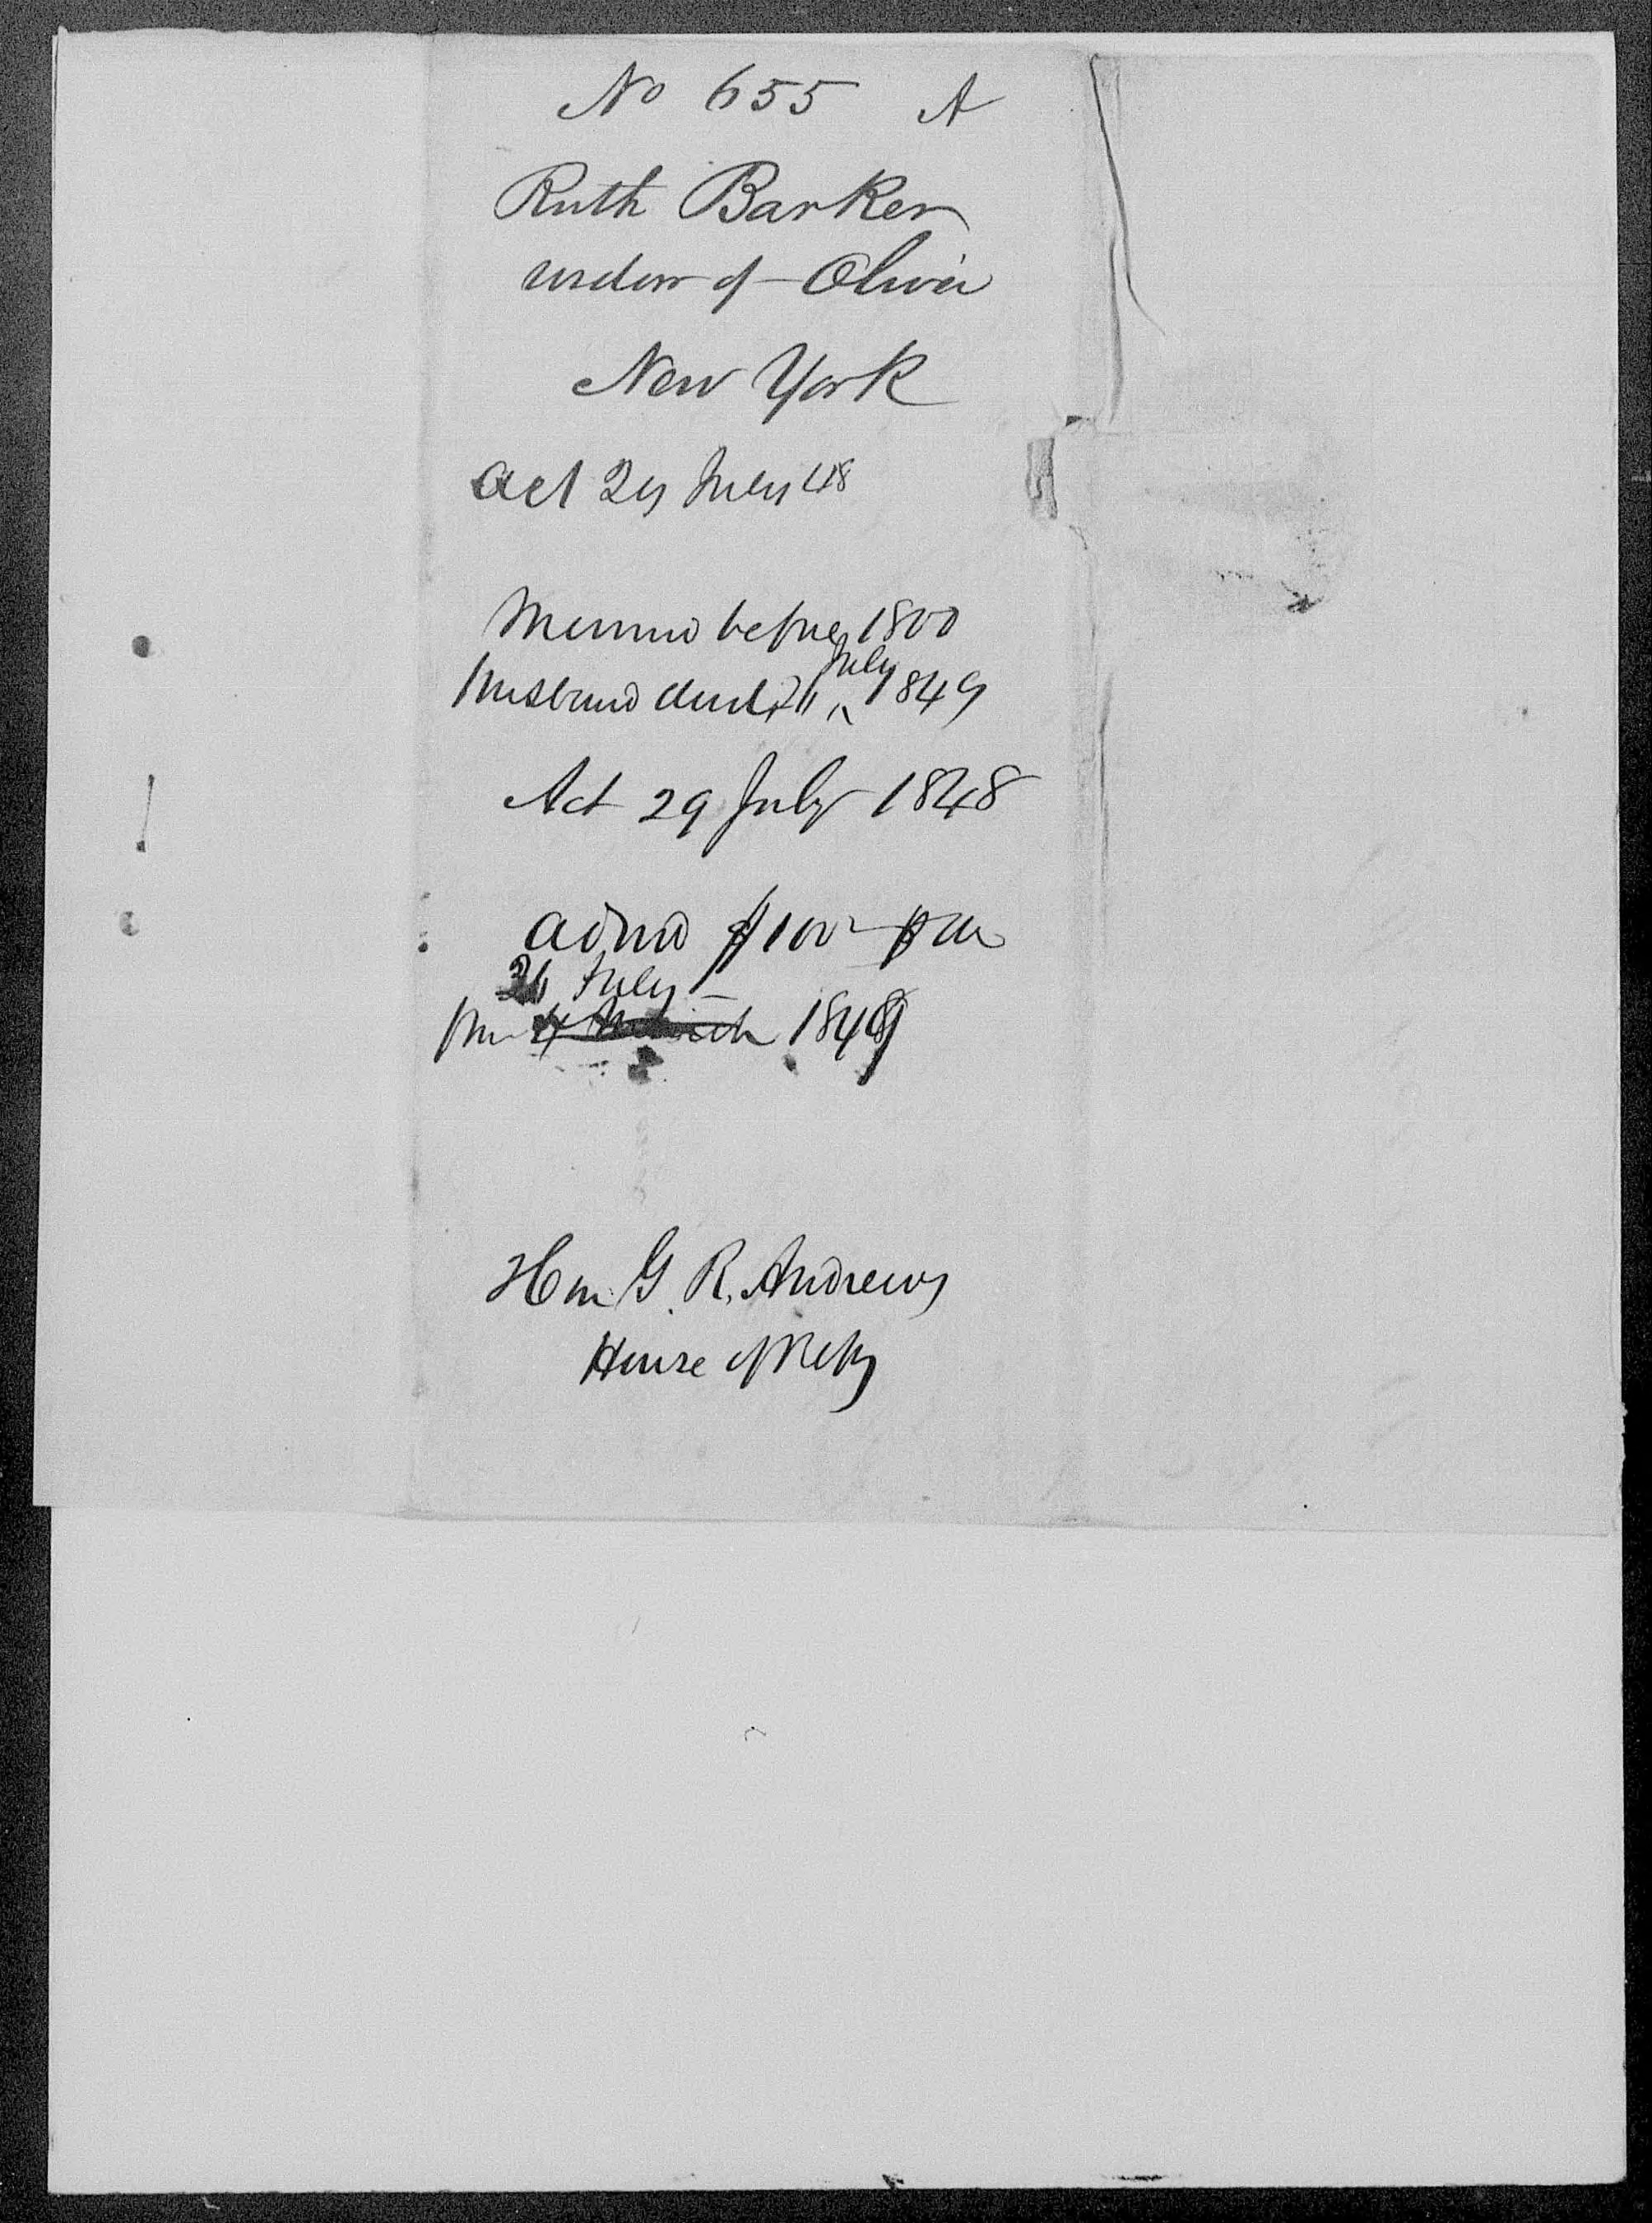No 655 A 
Ruth Barker 
Widow of Oliver 
New York  
Act 29 July 48 
married  before 1800 
husband died 26th 1849 
Act 29 July 1848 
Admd [admitted] for $100 per annum 
Mar 26 1849 
Hon G. R. Andrews 
House of Reps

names: Oliver Barker, G R Andrews, Ruth Barker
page: 42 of 51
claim: widow's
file: W. 1698, Oliver Barker, Conn.